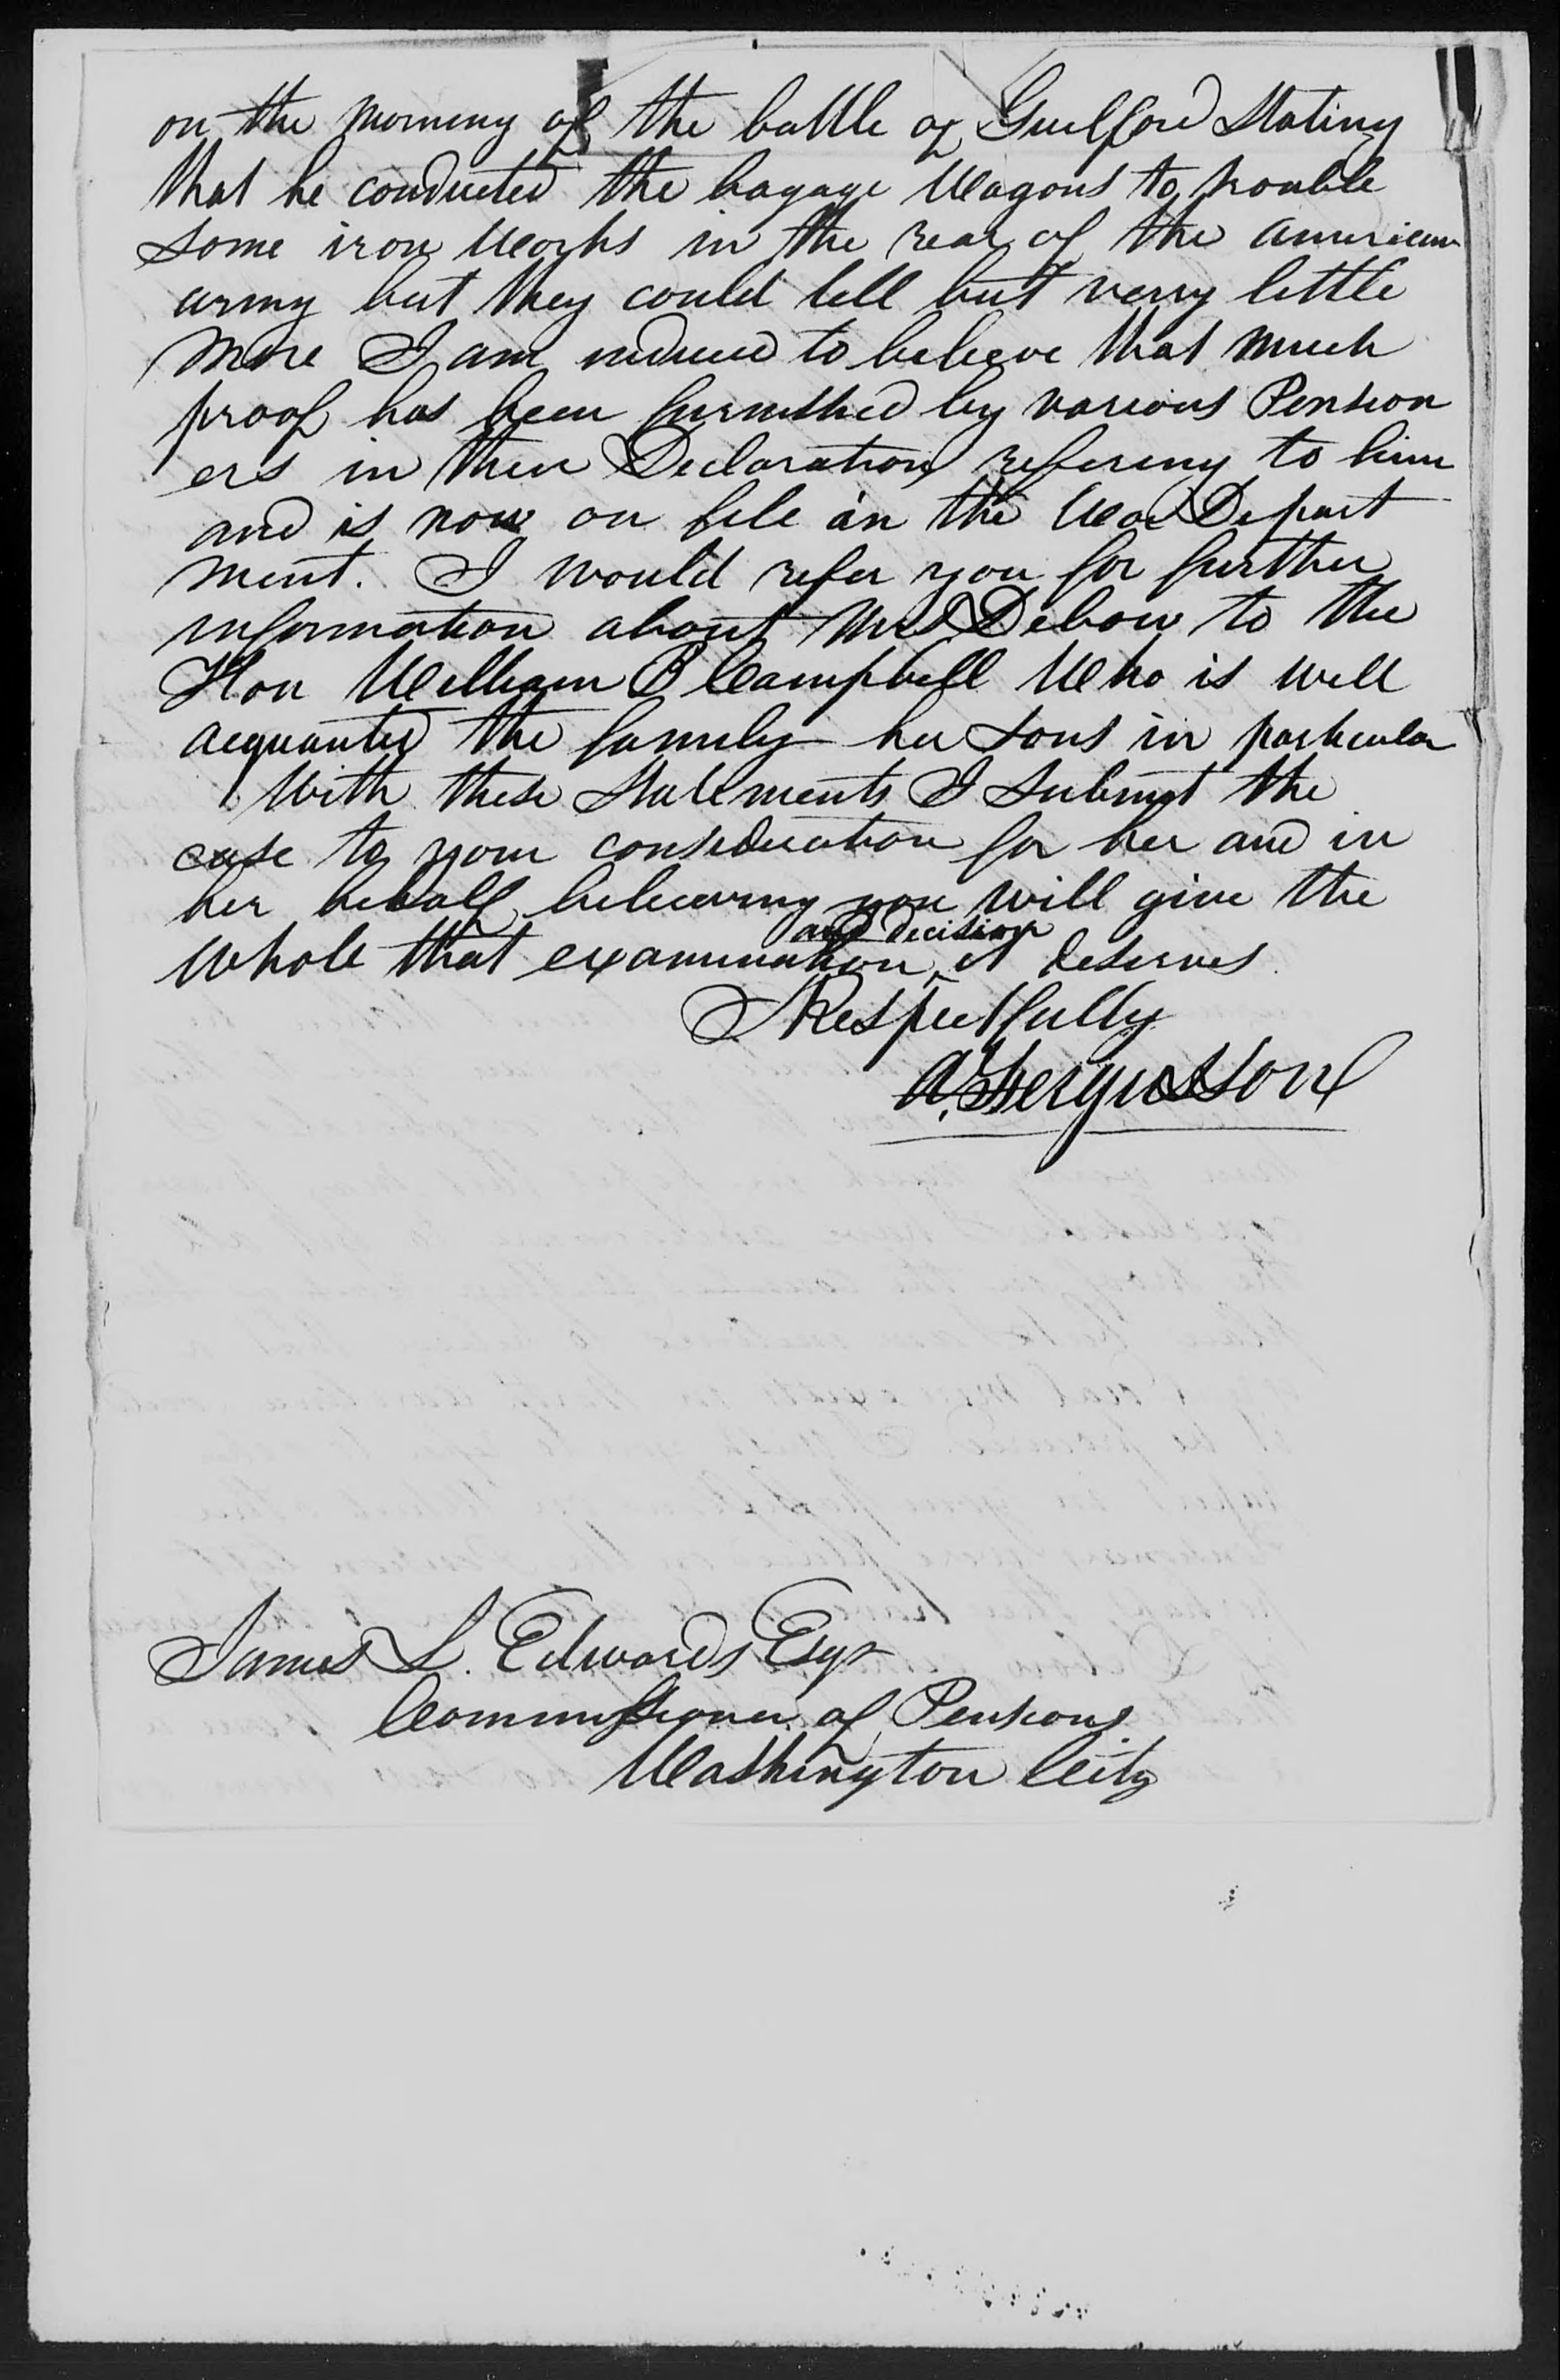On the morning of the battle of Guilford stating that he conducted the baggage wagons to [illegible]some iron works in the rear of the American Army but they could tell but very little more. I am induced to believe that much proof has been permitted by various pension-ers in their Declaration referring to him and is now on file in the War Depart-ment. I would refer you for further information about Mr. Debow to the Honorable William B Campbell who is well acquainted the family her sons in particular. With these statements I submit the case to your consideration for her and in her behalf [illegible]   give the whole that examination  [insert] and decision it deserves.
Respectfully
A Fergusson

James L Edwards Esq
Commissioner of Pensions 
Washington City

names: A Fergusson, Debow, James L Edwards, William B Campbell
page: 34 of 62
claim: widow's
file: W 7005, Frederick Debow, N.C.